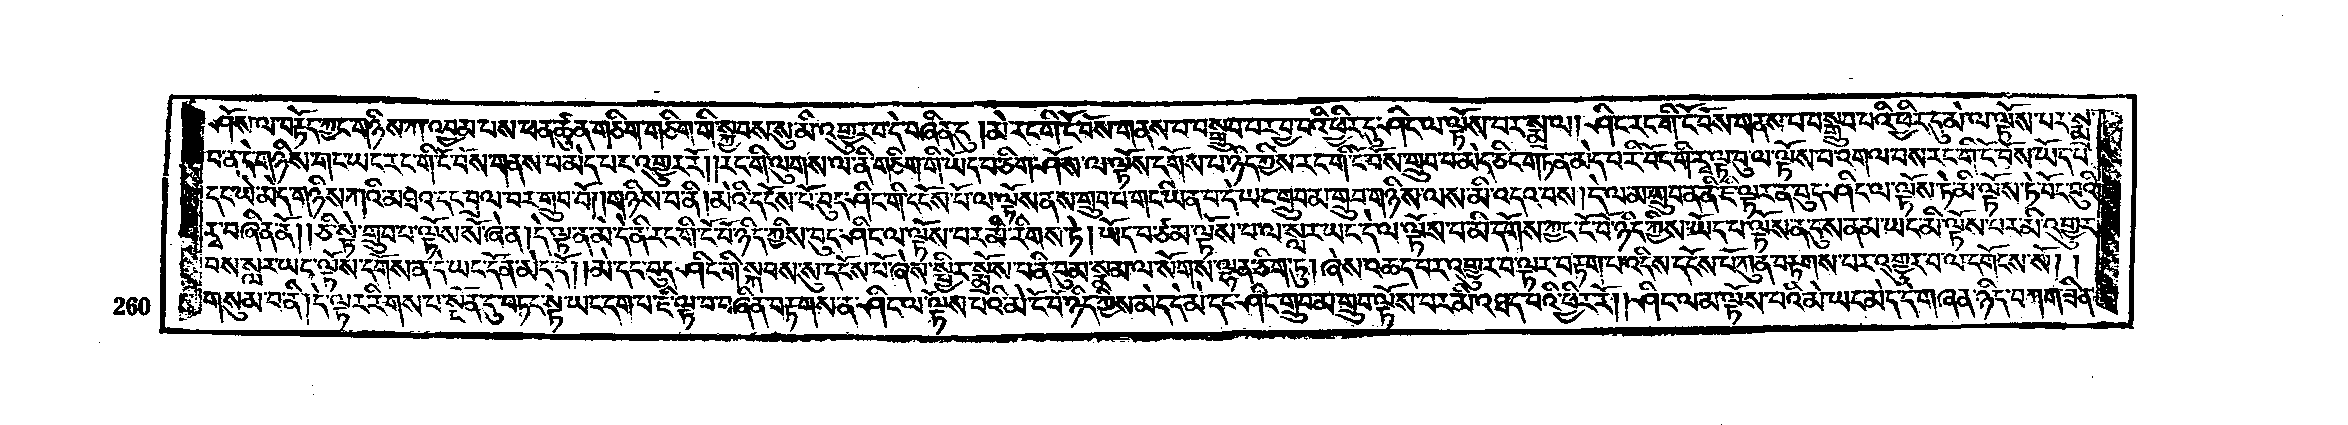ཤོས་ལ་བརྟོད་ཀྱང་གཉིས་ཀ་འབྱམ་པས་ཕན་ཚུན་གཅིག་གཅིག་གི་སྐྱབས་སུ་མི་འགྱུར་བ་དེ་བཞིན་དུ། མེ་རང་གི་ངོ་བོས་གནས་པ་བསྒྲུབ་པར་ཡ་བའི་ཕྱིར་དུ་ཤིང་ལ་ལྟོས་པར་སྨྲ་ལ། ཤིང་རང་གི་ངོ་བོས་གནས་པ་བསྒྲུབ་པའི་ཕྱིར་དུ་མེ་ལ་ལྟོས་པར་སྨྲ་
བ་ན་དེ་གཉིས་གང་ཡང་རང་གི་ངོ་བོས་གནས་པ་མེད་པར་འགྱུར་རོ། །རང་གི་ལུགས་ལ་ནི་གཅིག་གི་ཡོད་པ་ཅིག་ཤོས་ལ་ལྟོས་དགོས་པ་ཉིད་ཀྱིས་རང་གི་ངོ་བོས་གྲུབ་པ་མེད་ཅིང་གཏན་མེད་པ་རི་བོང་གི་རྭ་ལྟ་བུ་ལ་ལྟོས་པ་འགལ་བས་རང་གི་ངོ་བོས་ཡོད་པ་
དང་ཡེ་མེད་གཉིས་ཀའི་མཐའ་དང་བལ་བར་གྲུབ་བོ། །གཉིས་པ་ནི། མེའི་དངོས་པོ་བུད་ཤིང་གི་དངོས་པོ་ལ་ལྟོས་ནས་གྲུབ་པ་གང་ཡིན་པ་དེ་ཡང་གྲུབ་མ་གྲུབ་གཉིས་ལས་མི་འདའ་བས། དེ་ལ་མ་གྲུབ་ན་ནི་ཇི་ལྟར་ན་བུད་ཤིང་ལ་ལྟོས་ཏེ་མི་ལྟོས་ཏེ་བོང་བུའི་
རྭ་བཞིན་ནོ། །ཅི་སྟེ་གྲུབ་པ་ལྟོས་སོ་ཞེ་ན། དེ་ལྟན་མེ་དེ་ནི་རང་གི་ངོ་བོ་ཉིད་ཀྱིས་བུད་ཤིང་ལ་ལྟོས་པར་མི་རིགས་ཏེ། ཡོད་པ་ཙམ་ལྟོས་པ་ལ་སླར་ཡང་དེ་ལ་ལྟོས་པ་མི་དགོས་ཀྱང་ངོ་བོ་ཉིད་ཀྱིས་ཡོད་པ་ལྟོས་ན་དུས་ནམ་ཡང་མི་ལྟོས་པར་མི་འགྱུར་
བས་སླར་ཡང་ལྟོས་དགོས་ན་དེ་ཡང་དོན་མེད་དོ། །མེ་དང་བུད་ཤིང་གི་སྐབས་སུ་དངོས་པོ་ཞེས་སྤྱིར་སྨྲོས་པ་ནི་བུམ་སྣམ་ལ་སོགས་ལྷན་ཅིག་ཏུ། ཞེས་འཆད་པར་འགྱུར་བ་ལྟར་བརྟག་པ་འདིས་དངོས་པོ་ཀུན་བརྟགས་པར་འགྱུར་བ་ལ་དགོངས་སོ། །
གསུམ་པ་ནི། དེ་ལྟར་རིགས་པ་སྔོན་དུ་བཏང་སྟེ་ཡང་དག་པ་ཇི་ལྟ་བ་བཞིན་བརྟགས་ན་ཤིང་ལ་ལྟོས་པའི་མེ་ངོ་བོ་ཉིད་ཀྱིས་མེད་དེ་མེ་དང་ཤིང་གྲུབ་མ་གྲུབ་ལྟོས་པར་མི་འཐད་པའི་ཕྱིར་རོ། །ཤིང་ལ་མ་ལྟོས་པའི་མེ་ཡང་མེད་དེ་གཞན་ཉིད་བཀག་ཞི་